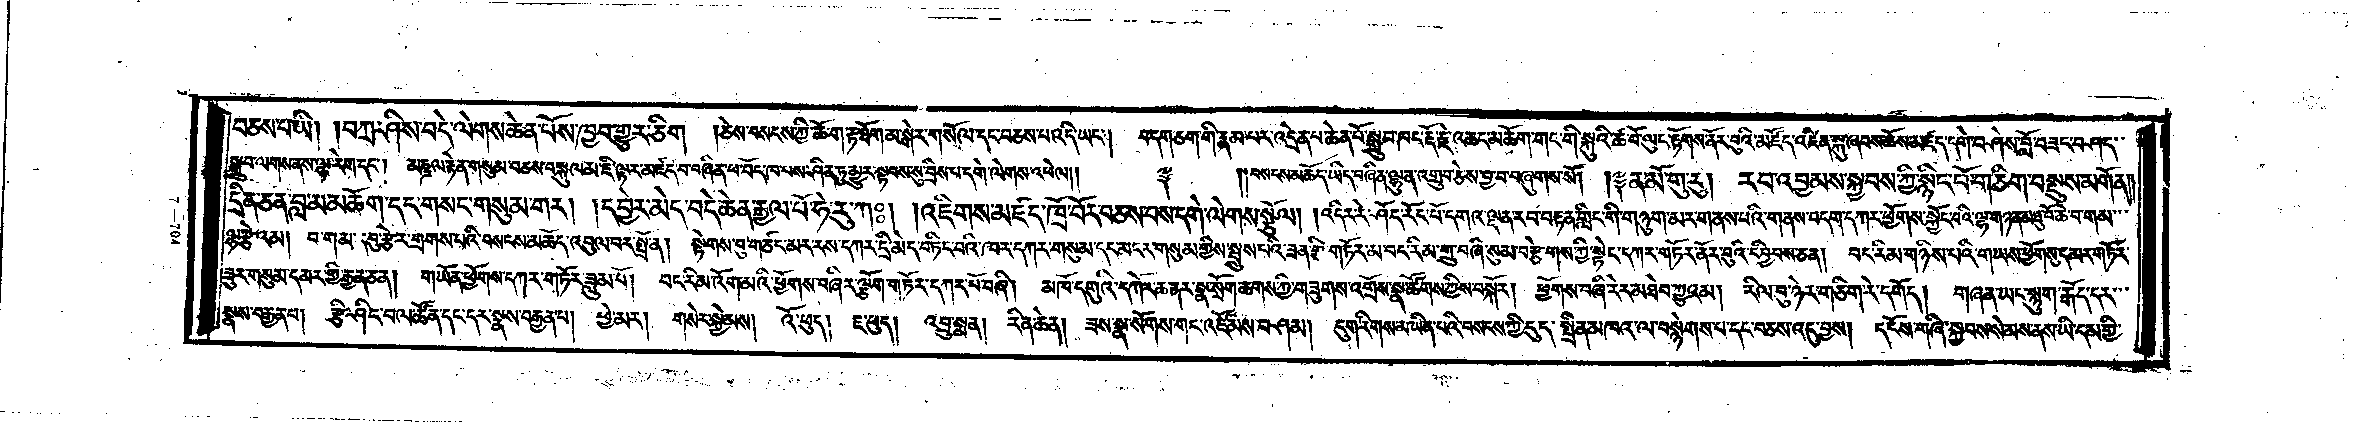བཅས་པ་ཡི། །བཀྲ་ཤིས་བདེ་ལེགས་ཆེན་པོས་ཁྱབ་གྱུར་ཅིག །ཅེས་བསངས་ཀྱི་ཆོ་ག་རྟ་ཐོག་མ་སྒེར་གསོལ་དང་བཅས་པ་འདི་ཡང་། བདག་ཅག་གི་རྣམ་པར་འདྲེན་པ་ཆེན་པོ་སྒྲུབ་ཁང་རྡོ་རྗེ་འཆང་མཆོག་གང་གི་སྐུའི་ཚ་བོ་ལུང་རྟོགས་ནོར་བུའི་མཛོད་འཛིན་སྐུ་ཞབས་ཆོས་མཛད་དགེ་བཤེས་བློ་བཟང་བཤད་
སྒྲུབ་ལགས་ནས་ལྷ་རེག་དང་། མཎྜལ་རྟེན་གསུམ་བཅས་བསྐུལ་མ་ཇི་ལྟར་མཛད་པ་བཞིན་ཕ་བོང་ཁ་པས་ཤིན་ཏུ་མྱུར་སྟབས་སུ་བྲིས་པ་དགེ་ལེགས་འཕེལ།། ༈ །།བསངས་མཆོད་ཡིད་བཞིན་ལྷུན་འགྲུབ་ཅེས་བྱ་བ་བཞུགས་སོ། ། ༈ ན་མོ་གུ་རུ། རབ་འབྱམས་སྐྱབས་ཀྱི་སྙིང་པོ་གཅིག་བསྡུས་མགོན།།
དྲིན་ཅན་བླ་མ་མཆོག་དང་གསང་གསུམ་གར། །དབྱེར་མེད་བདེ་ཆེན་རྒྱལ་པོ་ཧེ་རུ་ཀཿ། །འཇིགས་མཛད་ཁྲོ་བོར་བཅས་པས་དགེ་ལེགས་སྩོལ། །འདིར་རེ་ཤོད་རོང་པོ་དགའ་ལྡན་རབ་བརྟན་གླིང་གི་གཉུག་མར་གནས་པའི་གནས་བདག་དཀར་ཕྱོགས་སྐྱོང་བའི་ལྷ་གཉན་མཐུ་བོ་ཆེ་བ་གམ་
ལྷ་རྩེའམ། བག་མ་དབུ་རྩེ་གྲགས་པའི་བསངས་མཆོད་འབུལ་བར་སྤྲོན། སྟེགས་བུ་གཅང་མར་རས་དཀར་དྲི་མེད་བཏིང་བའི་ཁར་དཀར་གསུམ་དང་མངར་གསུམ་གྱིས་སྦྲུས་པའི་ཟན་གྱི་གཏོར་མ་བང་རིམ་གྲུ་བཞི་སུམ་བརྩེགས་ཀྱི་སྟེང་དཀར་གཏར་ནོར་བུའི་དབྱིབས་ཅན། བང་རིམ་གཉིས་པའི་གཡས་ཕྱོགསུ་དམར་གཏོར་
ཟུར་གསུམ་དམར་གྱི་རྒྱན་ཅན། གཡོན་ཕྱོགས་དཀར་གཏོར་ཟླུམ་པོ། བང་རིམ་འོག་མའི་ཕྱོགས་བཞིར་ལྕོག་གཏོར་དཀར་པོ་བཞི། མཁོ་དགུའི་དཀར་ཆ་ནོར་སྣ་སྲོག་ཆགས་ཀྱི་གཟུགས་འགྲོས་སྣ་ཚོགས་ཀྱིས་བསྐོར། ཕྱོགས་བཞི་རེར་མཐེབ་ཀྱུའམ། རིལ་བུ་ཉེར་གཅིག་རེ་དགོད། གཞན་ཡང་སྙུག་རྒོད་དར་
སྣས་བརྒྱན་པ། རྩི་ཤིང་བལ་ཚོན་དང་དར་སྣས་བརྒྱན་པ། ཕྱེ་མར། གསེར་སྐྱེམས། འོ་ཕུད། ཇ་ཕུད། འབྲུ་སྨན། རིན་ཆེན། ཟས་སྣ་སོགས་གང་འཛོམས་བཤམ། དུག་རིགས་མ་ཡིན་པའི་བསངས་ཀྱི་རུད་སྤྲིན་མཁའ་ལ་བསྙེགས་པ་དང་བཅས་འདུ་བྱས། དངོས་གཞི་སྐྱབས་སེམས་ནས་ཡི་དམ་གྱི